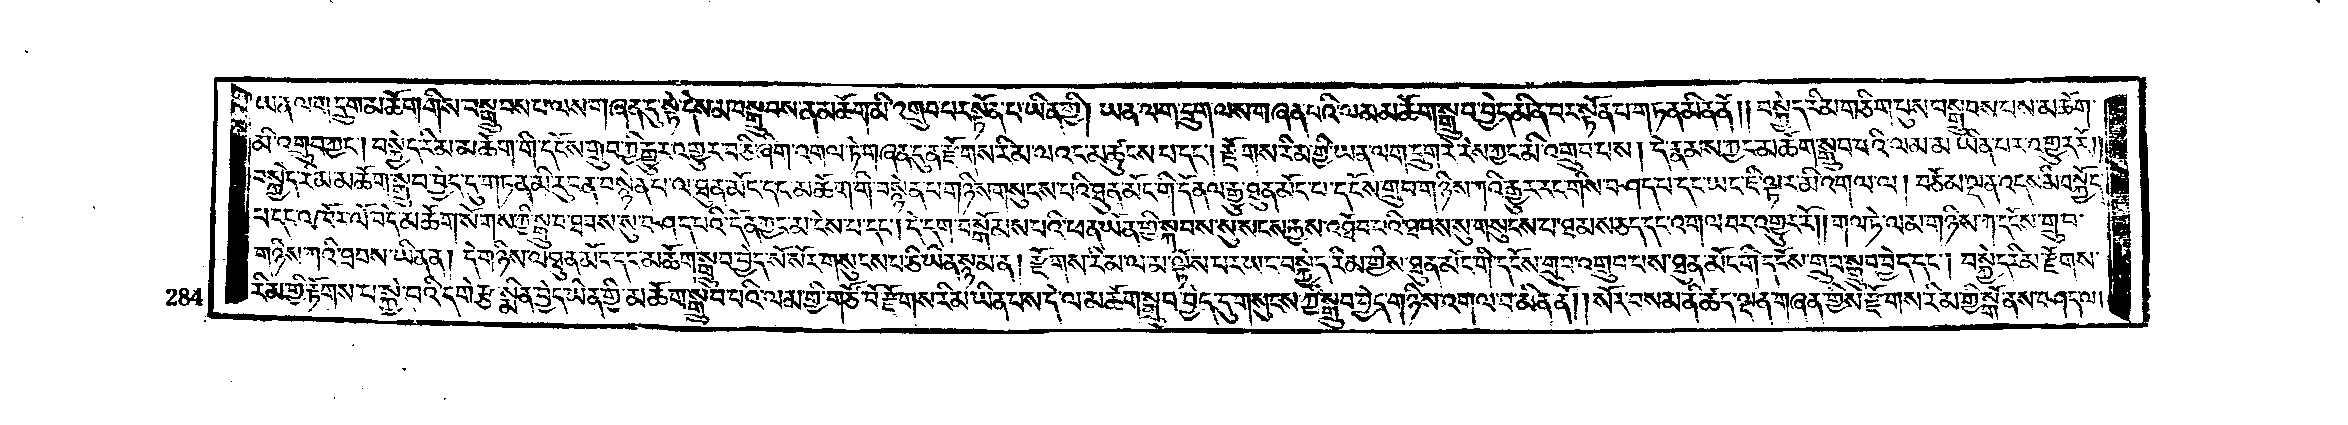ཡན་ལག་དྲུག་མཆོག་གིས་བསྒྲུབས་པ་ལས་གཞན་དུ་སྟེ་དེས་མ་བསྒྲུབས་ན་མཆོག་མི་འགྲུབ་པར་སྟོན་པ་ཡིན་གྱི། ཡན་ལག་དྲུག་ལས་གཞན་པའི་ལམ་མཆོག་སྒྲུབ་བྱེད་མིན་པར་སྟོན་པ་གཏན་མིན་ནོ། །བསྐྱེད་རིམ་གཅིག་པུས་བསྒྲུབས་པས་མཆོག་
མི་འགྲུབ་ཀྱང་། བསྐྱེད་རིམ་མཆོག་གི་དངོས་གྲུབ་ཀྱི་རྒྱུར་འགྱུར་བ་ཅི་ཞིག་འགལ་ཏེ་གཞན་དུ་ན་རྫོགས་རིམ་ལའང་མཚུངས་པ་དང་། རྫོགས་རིམ་གྱི་ཡན་ལག་དྲུག་རེ་རེས་ཀྱང་མི་འགྲུབ་པས། དེ་རྣམས་ཀྱང་མཆོག་སྒྲུབ་པའི་ལམ་མ་ཡིན་པར་འགྱུར་རོ། །
བསྐྱེད་རིམ་མཆོག་སྒྲུབ་བྱེད་དུ་གཏན་མི་རུང་ན་བསྙེན་པ་ལ་ཐུན་མོང་དང་མཆོག་གི་བསྙེན་པ་གཉིས་གསུངས་པའི་ཐུན་མོང་གི་དོན་ལ་རྒྱུ་ཐུན་མོང་བ་དངོས་གྲུབ་གཉིས་ཀའི་རྒྱུར་རང་གིས་བཤད་པ་དང་ཡང་ཇི་ལྟར་མི་འགལ་ལ། བཅོམ་ལྡན་འདས་མི་བསྐྱོད་
པ་དང་འཁོར་ལོ་བདེ་མཆོག་སོགས་ཀྱི་སྒྲུབ་ཐབས་སུ་བཤད་པའི་དོན་ཀྱང་མ་ངེས་པ་དང་། དེ་དག་བསྒོམས་པའི་ཕན་ཡོན་གྱི་སྐབས་སུ་སངས་རྒྱས་འཐོབ་པའི་ཐབས་སུ་གསུངས་པ་ཐམས་ཅད་དང་འགལ་བར་འགྱུར་རོ། །གལ་ཏེ་ལམ་གཉིས་ཀ་དངོས་གྲུབ་
གཉིས་ཀའི་ཐབས་ཡིན་ན། དེ་གཉིས་ལ་ཐུན་མོང་དང་མཆོག་སྒྲུབ་བྱེད་སོ་སོར་གསུངས་པ་ཅི་ཡིན་སྙམ་ན། རྫོགས་རིམ་ལ་མ་ལྟོས་པར་ཡང་བསྐྱེད་རིམ་གྱིས་ཐུན་མོང་གི་དངོས་གྲུབ་འགྲུབ་པས་ཐུན་མོང་གི་དངོས་གྲུབ་སྒྲུབ་བྱེད་དང་། བསྐྱེད་རིམ་རྫོགས་
རིམ་གྱི་རྟོགས་པ་སྐྱེ་བའི་དགེ་རྩ་སྨིན་བྱེད་ཡིན་གྱི་མཆོག་སྒྲུབ་པའི་ལམ་གྱི་གཙོ་བོ་རྫོགས་རིམ་ཡིན་པས་དེ་ལ་མཆོག་སྒྲུབ་བྱེད་དུ་གསུངས་ཀྱི་སྒྲུབ་བྱེད་གཉིས་འགལ་བ་མིན་ནོ། །སོར་བསམ་ནི་ཚད་ལྡན་གཞན་གྱིས་རྫོགས་རིམ་གྱི་སྒོ་ནས་བཤད་ལ།